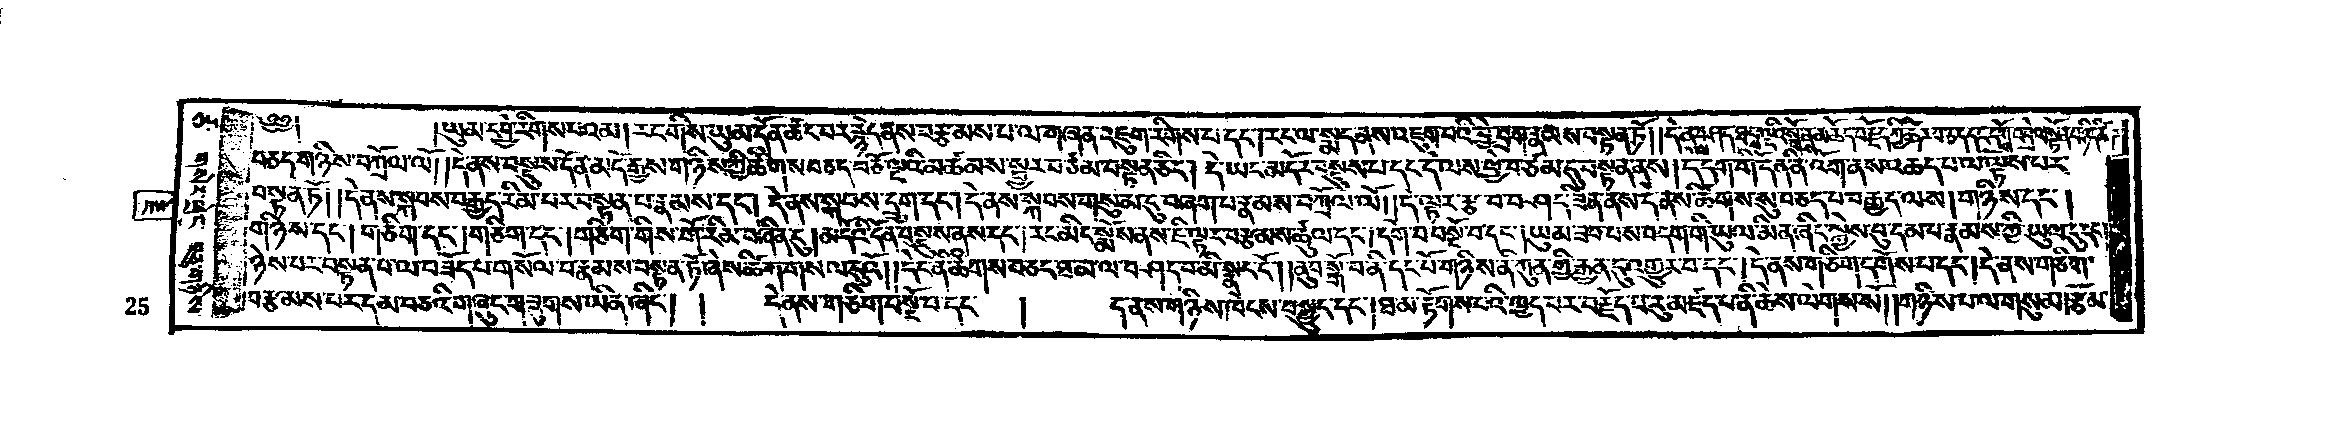༄༅། །ཡུམ་དབྱེ་རིགས་པའམ། རང་གིས་ཡུམ་དོན་ཚང་བར་རྙེད་ནས་བརྩམས་པ་ལ་གཞན་འཇུག་རིགས་པ་དང་། རང་ལ་སྨད་ནས་འཇུག་པའི་བྱེ་བྲག་རྣམས་བསྟན་ཏོ། །དེ་ནས་བཤད་ཐབས་ལྔའི་སྒོ་ནས་མཆོད་བརྗོད་ཀྱི་ཚིགས་བཅད་དང་དགོས་འབྲེལ་སྟོན་པ་ཉིད་ཚིགས་
བཅད་གཉིས་བཀྲོལ་ལོ། །དེ་ནས་བསྡུས་དོན་མདོ་རྒྱས་གཉིས་ཀྱི་ཚིགས་བཅད་བཅོ་ལྔའི་མཚམས་སྦྱར་བ་ཙམ་བསྟན་ཅིང་། དེ་ཡང་མདོར་བསྡུས་པ་དང་དེ་ལས་ཕྱེ་བ་ཙམ་དུ་བསྟན་ནས། དེ་དག་གི་དོན་ནི་འོག་ནས་འཆད་པ་ལ་ལྟོས་པར་
བསྟན་ཏོ། །དེ་ནས་སྐབས་བརྒྱད་རིམ་པར་བསྟན་པ་རྣམས་དང་། དེ་ནས་སྐབས་དྲུག་དང་། དེ་ནས་སྐབས་གསུམ་དུ་བཞག་པ་རྣམས་བཀྲོལ་ལོ། །དེ་ལྟར་རྩ་བ་བཤད་ཟིན་ནས་དེ་ནས་ཚིགས་སུ་བཅད་པ་བརྒྱད་ལས། གཉིས་དང་།
གཉིས་དང་། གཅིག་དང་། གཅིག་དང་། གཅིག་གིས་གོ་རིམ་བཞིན་དུ། མདོའི་དོན་བསྡུས་ནས་དང་། རང་མིང་སྨོས་ནས་ཇི་ལྟར་བརྩམས་ཚུལ་དང་། དགེ་བ་བསྔོ་བ་དང་། ཡུམ་ཟབ་པས་བདག་གི་ཡུལ་མིན་ཞིང་སྐྱེས་བུ་དམ་པ་རྣམས་ཀྱི་ཡུལ་དུ་དང་།
ཉེས་པར་བསྟན་པ་ལ་བཟེད་པ་གསོལ་བ་རྣམས་བསྟན་ཏོ་ཞེས་ཚིག་གསལ་དུའོ། །དེར་ནི་ཚིགས་བཅད་ཐ་མ་ལ་བཤད་པ་མི་སྣང་ངོ། །ནུབ་སྒོ་བ་ནི་དང་པོ་གཉིས་ནི་ཀུན་གྱི་རྒྱན་དུ་འགྱུར་བ་དང་། དེ་ནས་གཅིག་དགོས་པ་དང་། དེ་ནས་གཅིག་
བརྩམས་པར་དམ་བཅའི་གཞུང་གཟུགས་ཡིན་ཞིང་། །དེ་ནས་གཅིག་བསྔོ་བ་དང་། དེ་ནས་གཉིས་ཁེངས་བསྒྱུར་དང་། ཐ་མ་རྟོགས་པའི་ཁྱད་པར་བརྗོད་པ་རུ་མཛད་པ་ནི་ཆེས་ལེགས་སོ། །གཉིས་པ་ལ་གསུམ། རྩོམ་